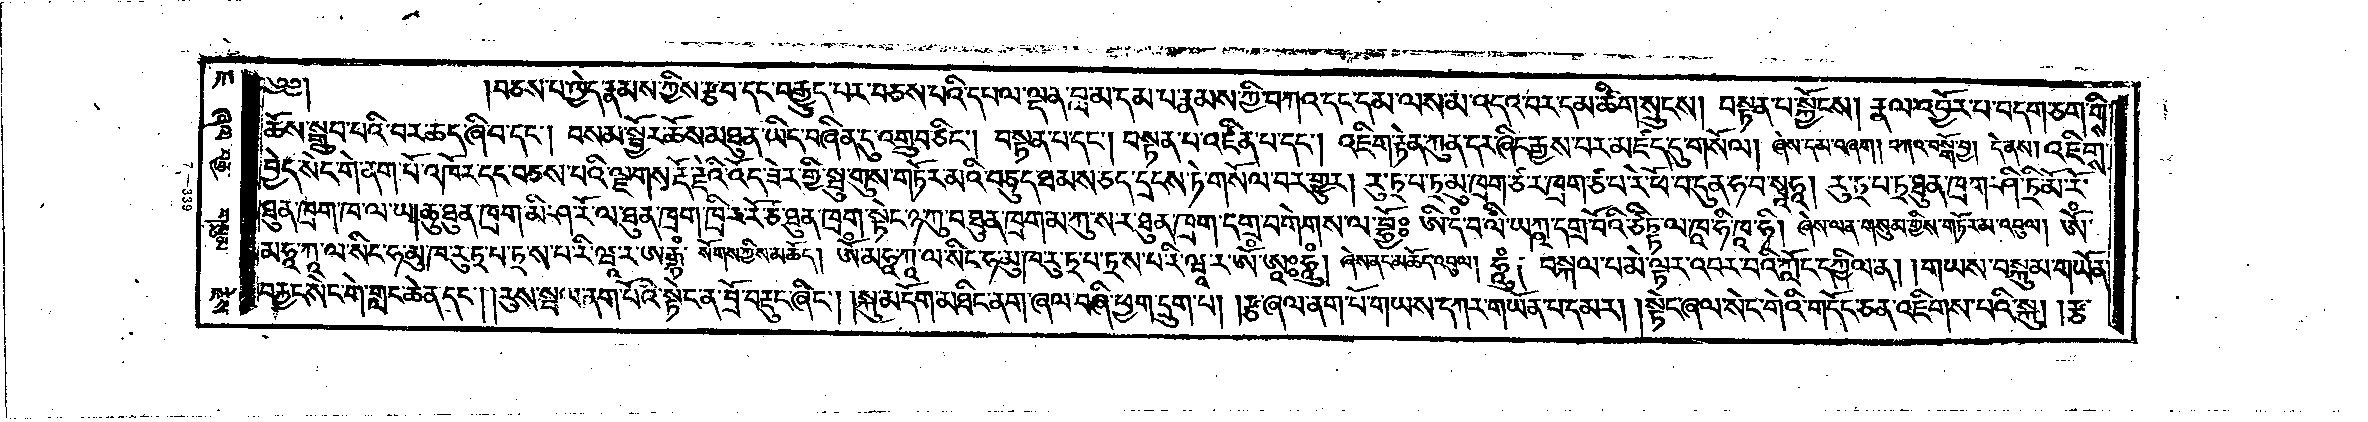༄༅། །བཅས་པ་ཁྱེད་རྣམས་ཀྱིས་རྩ་བ་དང་བརྒྱུད་པར་བཅས་པའི་དཔལ་ལྡན་བླ་མ་དམ་པ་རྣམས་ཀྱི་བཀའ་དང་དམ་ལས་མ་འདའ་བར་དམ་ཚིག་སྲུངས། བསྟན་པ་སྐྱོངས། རྣལ་འབྱོར་པ་བདག་ཅག་གིས་
ཆོས་སྒྲུབ་པའི་བར་ཆད་ཞི་བ་དང་། བསམ་སྦྱོར་ཆོས་མཐུན་ཡིད་བཞིན་དུ་འགྲུབ་ཅིང་། བསྟན་པ་དང་། བསྟན་པ་འཛིན་པ་དང་། འཇིག་རྟེན་ཀུན་དར་ཞིང་རྒྱས་པར་མཛད་དུ་གསོལ། ཞེས་དམ་བཞག །བཀའ་བསྒོ་བྱ། དེ་ནས།  འཇིགས་
བྱེད་སེང་གེ་ནག་པོ་འཁོར་དང་བཅས་པའི་ལྗགས་རྡོ་རྗེའི་འོད་ཟེར་གྱི་སྦུ་གུས་གཏོར་མའི་བཅུད་ཐམས་ཅད་དྲངས་ཏེ་གསོལ་བར་གྱུར། རུ་ཏྲ་བ་ཏྲ་མུ་ཁྲག་ཙ་ར་ཁྲག་ཙ་པ་རེ་ཕོ་བདུན་ཧ་བ་སྭཱཧཱ། རུ་ཏྲ་པ་ཏྲ་ཐུན་ཁྲག་ཤི་ཏྲི་མོ་རོ་
ཐུན་ཁྲག་ཁ་ལ་ཡ། ཆུ་ཐུན་ཁྲག་མི་ཤ་རོ་ལ་ཐུན་ཁྲག་ཁྲིར་རོ་ཙ་ཐུན་ཁྲག་སྟེང་ཉ་ཀུ་པ་ཐུན་ཁྲག་མ་ཀུ་ས་ར་ཐུན་ཁྲག་དགྲ་བགེགས་ལ་བྷྱོཿ ཨི་དཾ་བ་ལིཾ་ཡཀྵ་དགྲ་བོའི་ཙིཏྟ་ལ་ཁཱ་ཧི་ཁཱ་ཧི། ཞེས་ལན་གསུམ་གྱིས་གཏོར་མ་འབུལ།  ཨོཾ་
མཧཱ་ཀཱ་ལ་སིང་ཧ་མུ་ཁ་རུ་ཏྲ་པ་ཏྲ་ས་པ་རི་ཝཱ་ར་ཨརྒྷཾ་སོགས་ཀྱིས་མཆོད།  ཨོཾ་མཧཱ་ཀཱ་ལ་སིང་ཧ་མུ་ཁ་རུ་ཏྲ་པ་ཏྲ་ས་པ་རི་ཝཱ་ར་ཨོཾ་ཨཱཿཧཱུཾ། ཞེས་ནང་མཆོད་འབུལ།  ཧཱུཾ༑ བསྐལ་པ་མེ་ལྟར་འབར་བའི་ཀློང་དཀྱིལ་ན། །གཡས་བསྐུམ་གཡོན་
བརྐྱང་སེང་གེ་གླང་ཆེན་དང་། །རུས་སྦལ་ནག་པོའི་སྟེང་ན་བྲོ་བརྡུང་ཞིང་། །སྐུ་མདོག་མཐིང་ནག་ཞལ་བཞི་ཕྱག་དྲུག་པ། །རྩ་ཞལ་ནག་པོ་གཡས་དཀར་གཡོན་པ་དམར། །སྟེང་ཞལ་སེང་གེའི་གདོང་ཅན་འཇིགས་པའི་སྐུ། །རྩ་